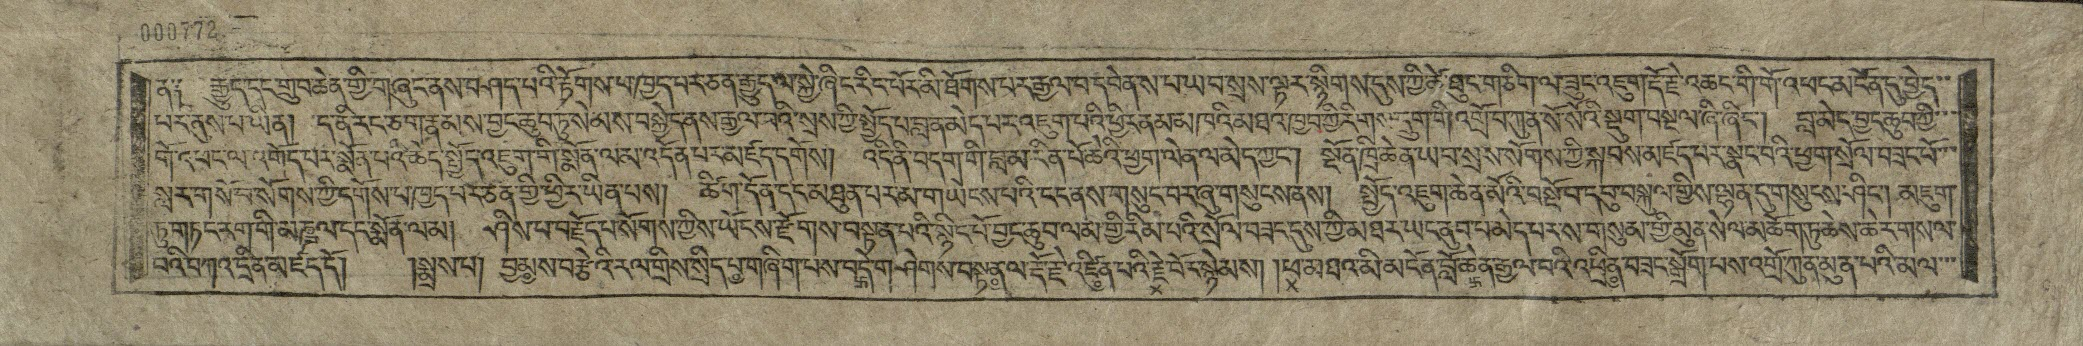ན༑ རྒྱུད་དང་གྲུབ་ཆེན་གྱི་གཞུང་ནས་བཤད་པའི་རྟོགས་པ་ཁྱད་པར་ཅན་རྒྱུད་ལ་སྐྱེ་ཞིང་རིང་པོར་མི་ཐོགས་པར་རྒྱལ་བ་དབེན་ས་པ་ཡབ་སྲས་ལྟར་སྙིགས་དུས་ཀྱི་ཚེ་ཐུང་གཅིག་ལ་ཟུང་འཇུག་རྡོ་རྗེ་འཆང་གི་གོ་འཕང་མངོན་དུ་བྱེད་
པར་ནུས་པ་ཡིན། ད་ནི་རང་ཅག་རྣམས་བྱང་ཆུབ་ཏུ་སེམས་བསྐྱེད་ནས་རྒྱལ་བའི་སྲས་ཀྱི་སྤྱོད་པ་བླ་ན་མེད་པར་འཇུག་པའི་ཕྱིར་ནམ་མཁའི་མཐའ་ཁྱབ་ཀྱི་རིགས་དྲུག་གི་འགྲོ་བ་ཀུན་སོ་སོའི་སྡུག་བསྔལ་ཞི་ཞིང་། བླ་མེད་བྱང་ཆུབ་ཀྱི་
གོ་འཕང་ལ་འགོད་པར་སྨོན་པའི་ཆེད་སྤྱོད་འཇུག་གི་སྨོན་ལམ་འདོན་པར་མཛད་དགོས། འདི་ནི་བདག་གི་བླ་མ་རིན་པོ་ཆེའི་ཕྱག་ལེན་ལ་མེད་ཀྱང་། སྔོན་ཁྲི་ཆེན་ཡབ་སྲས་སོགས་ཀྱི་སྐབས་མཛད་པར་སྣང་བའི་ཕྱག་སྲོལ་བཟང་པོ་
སླར་གསོ་བ་སོགས་ཀྱི་དགོས་པ་ཁྱད་པར་ཅན་གྱི་ཕྱིར་ཡིན་པས། ཚིག་དོན་དང་མཐུན་པར་མ་གཡེངས་པའི་ངང་ནས་གསུང་བར་ཞུ་གསུངས་ནས། སྤྱོད་འཇུག་ཆེན་མོའི་བསྔོ་བ་དབུ་བསྐུལ་གྱིས་ལྷན་དུ་གསུངས་ཤིང་། མཇུག་
ཏུ་གཏང་རག་གི་མཎྜལ་དང་སྨོན་ལམ། ཤིས་པ་བརྗོད་པ་སོགས་ཀྱིས་ཡོངས་རྫོགས་བསྟན་པའི་སྙིང་པོ་བྱང་ཆུབ་ལམ་གྱི་རིམ་པའི་སྲོལ་བཟང་དུས་ཀྱི་མཐར་ཡང་ནུབ་པ་མེད་པར་ས་གསུམ་གྱི་མུན་སེལ་མཆོག་ཏུ་ཆེས་ཆེར་གསལ་
བའི་བཀའ་དྲིན་མཛད་དོ། །སྨྲས་པ། བྱམས་?་བརྩེའི་རལ་གྲིས་སྲིད་པ་?་གཞིག་པས་བདེ་གཤེགས་བསྟཎ་?་ལ་རྡོ་རྗེ་འཛིན་?་པའི་རྗེ་བོར་སྙེམས། ཕ་?་མཐའ་མི་མངོན་བློ་ཆེན་རྒྱལ་བའི་འཕྲིན་?་བཟང་སྒྲོག་པས་འགྲོ་ཀུན་མུན་པའི་མལ་